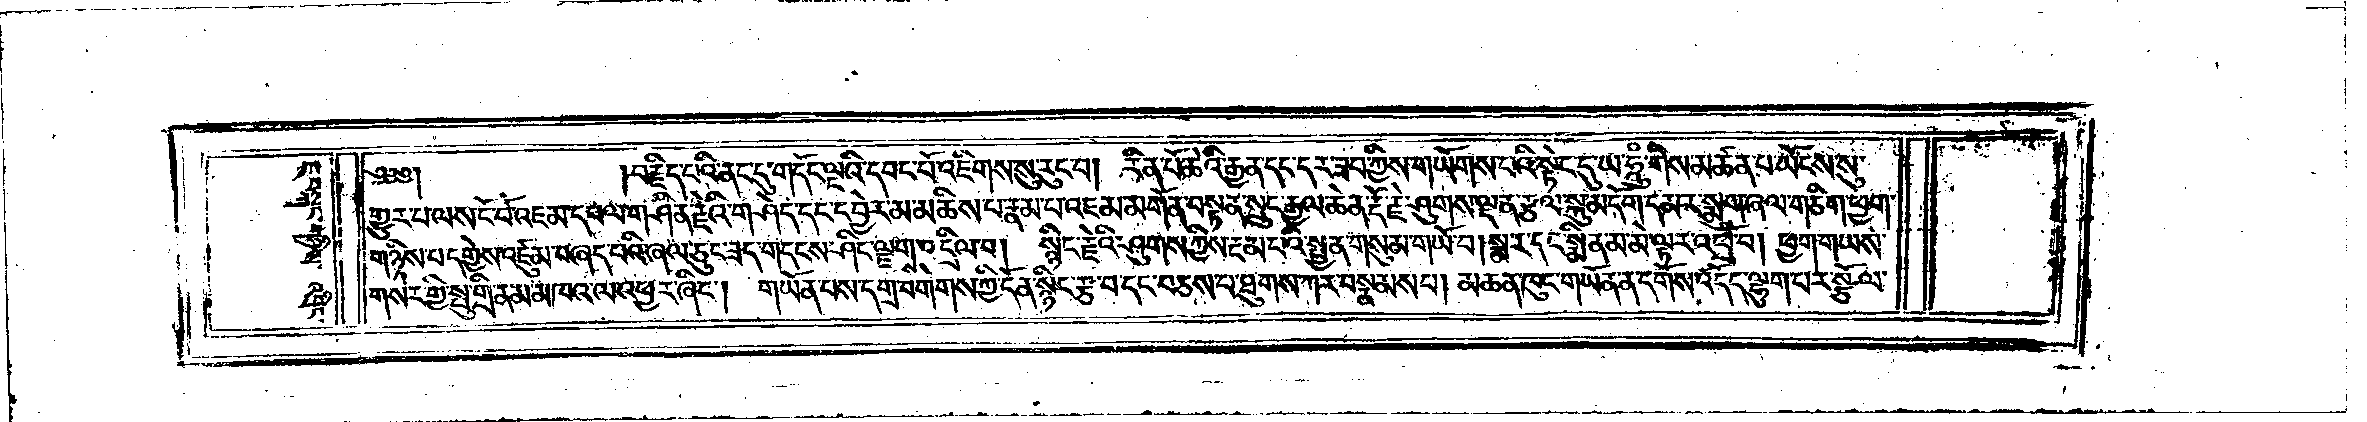༄༅༅། །བརྗིད་པའི་ནང་དུ་གདོང་ལྔའི་དབང་པོ་འཇིགས་སུ་རུང་བ། རིན་པོ་ཆེའི་རྒྱན་དང་དར་ཟབ་ཀྱིས་གཡོགས་པའི་སྟེང་དུ་ཡ་ཧཱུཾ་གིས་མཚན་པ་ཡོངས་སུ་
གྱུར་པ་ལས་ངོ་བོ་འཇམ་དཔལ་གཤིན་རྗེའི་གཤེད་དང་དབྱེར་མ་མཆིས་པ་རྣམ་པ་འཇམ་མགོན་བསྟན་སྲུང་རྒྱལ་ཆེན་རྡོ་རྗེ་ཤུགས་ལྡན་རྩལ་སྐུ་མདོག་དམར་སྨུ་གཞལ་གཅིག་ཕྱག་
གཉིས་པ་དགྱེས་འཛུམ་བཞད་པའི་ཞལ་ཅུང་ཟད་གདངས་ཤིང་ལྗགས་འདྲིལ་བ། སྙིང་རྗེའི་ཤུགས་ཀྱིས་རྔམ་པའི་སྤྱན་གསུམ་གཡོ་བ། སྨར་དང་སྨིན་མ་མེ་ལྟར་འཕྲོ་བ། ཕྱག་གཡས་
གསེར་གྱི་སྤུ་གྲི་ནམ་མཁའ་ལ་འཕྱར་ཞིང་། གཡོན་པས་དགྲ་བགེགས་ཀྱི་དོན་སྙིང་རྩ་བ་དང་བཅས་པ་ཐུགས་ཀར་བསྣམས་པ། མཚན་ཁུང་གཡོན་ན་དགོས་འདོད་ལྷུག་པར་སྩོལ་